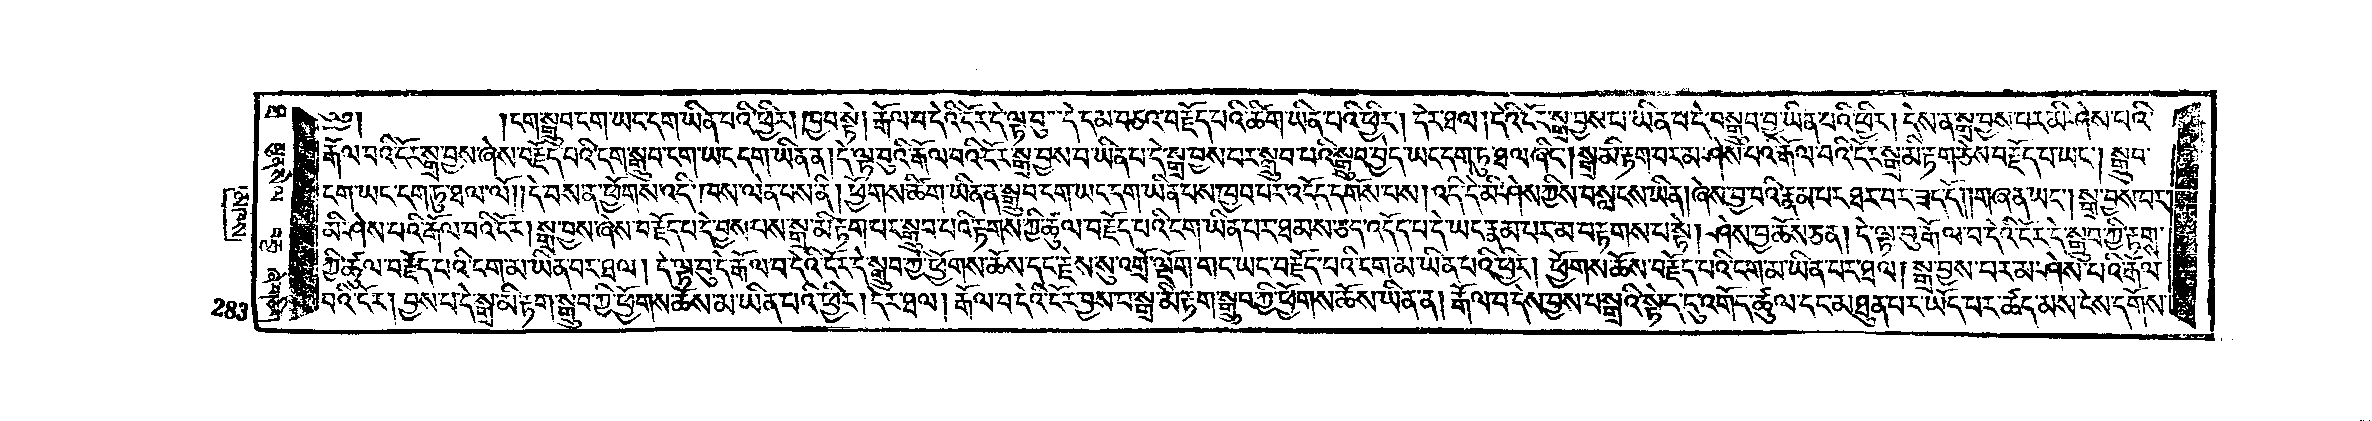༄༅། །ངག་?་སྒྲུབ་ངག་ཡང་དག་ཡིན་པའི་ཕྱིར། ཁྱབ་སྟེ། རྒོལ་བ་དེའི་ངོར་དེ་ལྟ་བུ་དེ་དམ་བཅའ་བརྗོད་པའི་ཚིག་ཡིན་པའི་ཕྱིར། དེར་ཐལ། དེའི་ངོར་སྒྲ་བྱས་པ་ཡིན་པ་དེ་བསྒྲུབ་བྱ་ཡིན་པའི་ཕྱིར། དེས་ན་སྒྲ་བྱས་པར་མི་ཤེས་པའི་
རྒོལ་བའི་ངོར་སྒྲ་བྱས་ཞེས་བརྗོད་བའི་དག་སྒྲུབ་ངག་ཡང་དག་ཡིན་ན། དེ་ལྟ་བུའི་རྒོལ་བའི་ངོར་སྒྲ་བྱས་པ་ཡིན་པ་དེ་སྒྲ་བྱས་པར་སྒྲུབ་པའི་སྒྲུབ་བྱེད་ཡང་དག་ཏུ་ཐལ་ཞིང་། སྒྲ་མི་རྟག་པར་མི་ཤེས་པའི་རྒོལ་བའི་ངོར་སྒྲ་མི་རྟག་ཅེས་བརྗོད་པ་ཡང་། སྒྲུབ་
ངག་ཡང་དག་ཏུ་ཐལ་ལོ། །དེ་བས་ན་ཕྱོགས་འདི་ཁས་ལེན་པས་ནི། ཕྱོགས་ཚིག་ཡིན་ན་སྒྲུབ་ངག་ཡང་དག་ཡིན་པས་ཁྱབ་པར་འདོད་དགོས་པས། འདི་དེ་མི་ཤེས་ཀྱིས་བསླངས་ཡིན། ཞེས་བྱ་བའི་རྣམ་པར་ཐར་བར་ཟད་དོ། །གཞན་ཡང་། སྒྲ་བྱས་པར་
མི་ཤེས་པའི་རྒོལ་བའི་ངོར། སྒྲ་བྱས་ཞེས་བརྗོད་པ་དེ་བྱས་པས་སྒྲ་མི་རྟག་པར་སྒྲུབ་པའི་རྟགས་ཀྱི་ཚུལ་བརྗོད་པའི་ངག་ཡིན་པར་ཐམས་ཅད་འདོད་པ་དེ་ཡང་རྣམ་པར་མ་བརྟགས་པ་སྟེ། ཤེས་བྱ་ཆོས་ཅན། དེ་ལྟ་བུ་རྒོལ་བ་དེའི་ངོར་དེ་སྒྲུབ་ཀྱི་རྟགས་
ཀྱི་ཚུལ་བརྗོད་པའི་ངག་མ་ཡིན་པར་ཐལ། དེ་ལྟ་བུ་དེ་རྒོལ་བ་དེའི་ངོར་དེ་སྒྲུབ་ཀྱི་ཕྱོགས་ཆོས་དང་རྗེས་སུ་འགྲོ་ལྡོག་གང་ཡང་བརྗོད་པའི་ངག་མ་ཡིན་པའི་ཕྱིར། ཕྱོགས་ཆོས་བརྗོད་པའི་ངག་མ་ཡིན་པར་ཐལ། སྒྲ་བྱས་པར་མ་ཤེས་པའི་རྒོལ་བའི་
ངོར། བྱས་པ་དེ་སྒྲ་མི་རྟག་སྒྲུབ་ཀྱི་ཕྱོགས་ཆོས་མ་ཡིན་པའི་ཕྱིར། དེར་ཐལ། རྒོལ་བ་དེའི་ངོར་བྱས་པ་སྒྲ་མི་རྟག་སྒྲུབ་ཀྱི་ཕྱོགས་ཆོས་ཡིན་ན། རྒོལ་བ་དེས་བྱས་པ་སྒྲའི་སྟེང་དུ་འགོད་ཚུལ་དང་མཐུན་པར་ཡོད་པར་ཚད་མས་ངེས་དགོས་